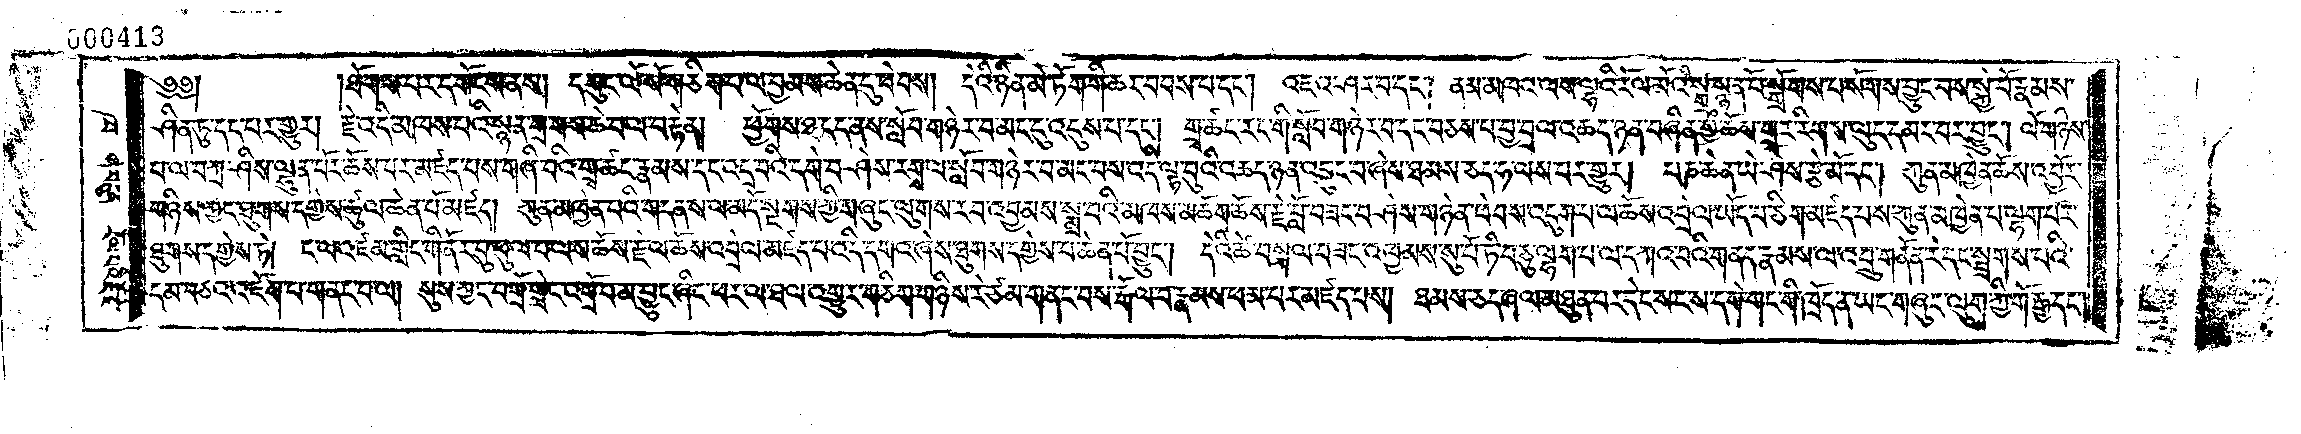༄༅། །ཐོགས་པར་དགོངས་ནས། དགུང་ལོ་སོ་གཅིག་པ་ལ་བྱམས་ཆེན་དུ་ཕེབས། དེའི་ཉིན་མེ་ཏོག་གི་ཆར་བབས་པ་དང་། འཇའ་ཤར་བ་དང་། ནམ་མཁའ་ལས་ལྷའི་རོལ་མོའི་སྒྲ་སྙན་པོ་སྒྲོགས་པ་སོགས་བྱུང་བས་སྐྱེ་བོ་རྣམས་
ཤིན་ཏུ་དད་པར་གྱུར། རྗེ་འདི་མཁས་པའི་སྙན་གྲགས་ཆེ་བ་ལ་བརྟེན། ཕྱོགས་ཐ་དད་ནས་སློབ་གཉེར་བ་མང་དུ་འདུས་པ་དང་། གྲྭ་ཚང་རང་གི་སློབ་གཉེར་བ་དང་བཅས་པ་བྱ་བྲལ་འཆད་ཉན་བཞིན་གྱྀ་ཆོས་གྲྭར་རིགས་ལུང་དམར་བར་བྱུང་། ལོ་གཉིས་
པ་ལ་བཀྲ་ཤིས་ལྷུན་པོར་ཆོས་པར་མཛད་པས་གཞི་བའི་གྲྭ་ཚང་རྣམས་དང་འདྲ་བའི་དགེ་བཤེས་རགས་ལ་སློབ་གཉེར་བ་མང་བས་འདི་ལྟ་བུའི་འཆད་ཉན་འབྱུང་བ་ཞེས་ཐམས་ཅད་ཧ་ལས་བར་གྱུར། པཎ་ཆེན་ཡེ་ཤེས་རྩེ་མོ་དང་། ཀུན་མཁྱེན་ཆོས་འབྱོར་
གཉིས་ཀྱང་ཐུགས་དགྱེས་ཚུལ་ཆེན་པོ་མཛད། ཀུན་མཁྱེན་པའི་གདན་ས་ལ་མདོ་སྔགས་ཀྱི་གཞུང་ལུགས་རབ་འབྱམས་སྨྲ་བའི་མཁས་མཆོག་ཆོས་རྗེ་བློ་བཟང་བཤེས་གཉེན་ཕེབས་འདུག་པ་ལ་ཆོས་འབྲེལ་ཡོད་པ་ཅིག་མཛད་པས་ཀུན་མཁྱེན་པ་ལྷག་པར་
ཐུགས་དགྱེས་ཏེ། ང་ལ་འཇམ་གླིང་གི་ནོར་བུ་ཕུལ་བ་ལས་ཆོས་རྗེ་ལ་ཆོས་འབྲེལ་མཛད་པ་འདི་དགའ་ཞེས་ཐུགས་དགྱེས་པ་ཆེན་པོ་བྱུང་། དེའི་ཚེ་བསྐལ་བཟང་འཁྱམས་སུ་པོ་ཏི་བཅུ་ལྷག་པ་ལ་དཀའ་བའི་གནད་རྣམས་ལ་འབྲུ་གནོན་རེ་དང་སྦྲགས་པའི་
དམ་བཅའ་འཇོག་པ་གནང་བ་ལ། སུས་ཀྱང་བགྲོ་གླེང་འགྲོ་བ་མ་བྱུང་ཞིང་ཕར་ལ་ཐལ་འགྱུར་གཅིག་གཉིས་ཏེ་ཙམ་གནང་པས་རྒོལ་བ་རྣམས་ཕམ་པར་མཛད་པས། ཐམས་ཅད་ཞལ་མཐུན་པར་དེང་སང་ས་དགེ་གང་གི་ཁྲོད་ན་ཡང་གཞུང་ལུགས་ཀྱི་གོ་རྒྱ་དང་།